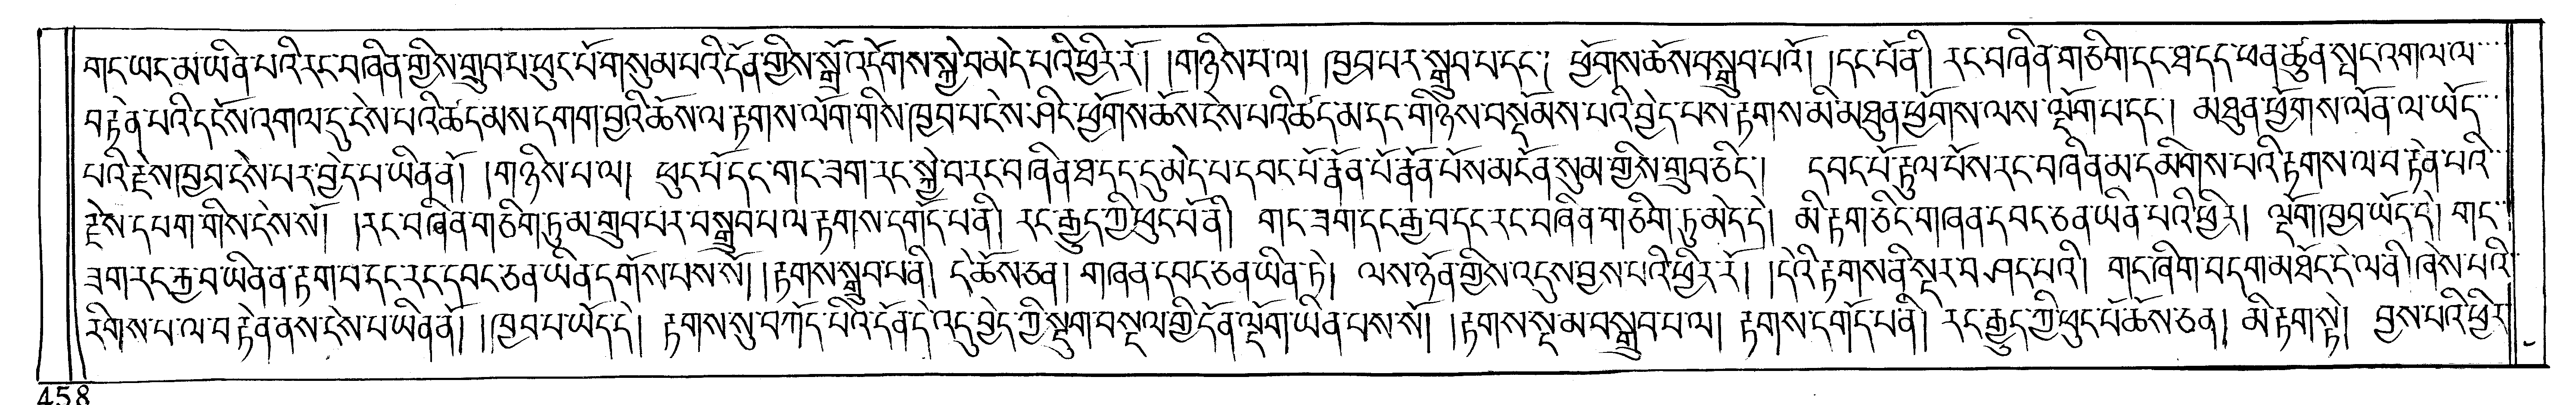གང་ཡང་མ་ཡིན་པའི་རང་བཞིན་གྱིས་གྲུབ་པ་ཕུང་པོ་གསུམ་པའི་དོན་གྱིས་སྒྲོ་འདོགས་སྐྱེ་བ་མེད་པའི་ཕྱིར་རོ། །གཉིས་པ་ལ། ཁྱབ་པ་བསྒྲུབ་པ་དང་། ཕྱོགས་ཆོས་བསྒྲུབ་པའོ། །དང་པོ་ནི། རང་བཞིན་གཅིག་དང་ཐ་དད་ཕན་ཚུན་སྤང་འགལ་ལ་
བརྟེན་པའི་དངོས་འགལ་དུ་ངེས་པའི་ཚད་མས་དགག་བྱའི་ཆོས་ལ་རྟགས་ལོག་གིས་ཁྱབ་པ་ངེས་ཤིང་ཕྱོགས་ཆོས་ངེས་པའི་ཚད་མ་དང་གཉིས་བསྡོམས་པའི་བྱེད་པས་རྟགས་མི་མཐུན་ཕྱོགས་ལས་ལྡོག་པ་དང་། མཐུན་ཕྱོགས་ཁོ་ན་ལ་ཡོད་
པའི་རྗེས་ཁྱབ་ངེས་པར་བྱེད་པ་ཡིན་ནོ། །གཉིས་པ་ལ། ཕུང་པོ་དང་གང་ཟག་རང་སྐྱེ་བ་རང་བཞིན་ཐ་དད་དུ་མེད་པ་དབང་པོ་རྣོན་པོ་རྣོན་པོས་མངོན་སུམ་གྱིས་གྲུབ་ཅིང་། དབང་པོ་རྟུལ་པོས་རང་བཞིན་མ་དམིགས་པའི་རྟགས་ལ་བརྟེན་པའི་
རྗེས་དཔག་གིས་ངེས་སོ། །རང་བཞིན་གཅིག་ཏུ་མ་གྲུབ་པར་བསྒྲུབ་པ་ལ་རྟགས་དགོད་པ་ནི། རང་རྒྱུད་ཀྱི་ཕུང་པོ་ནི། གང་ཟག་རང་རྐྱ་བ་དང་རང་བཞིན་གཅིག་ཏུ་མེད་དེ། མི་རྟག་ཅིང་གཞན་དབང་ཅན་ཡིན་པའི་ཕྱིར། ལྡོག་ཁྱབ་ཡོད་དེ། གང་
ཟག་རང་རྐྱ་བ་ཡིན་ན་རྟག་པ་དང་རང་དབང་ཅན་ཡིན་དགོས་པས་སོ། །རྟགས་སྒྲུབ་པ་ནི། དེ་ཆོས་ཅན། གཞན་དབང་ཅན་ཡིན་ཏེ། ལས་ཉོན་གྱིས་འདུས་བྱས་པའི་ཕྱིར་རོ། །དེའི་རྟགས་ནི་སྔར་བཤད་པའི། གང་ཞིག་བདག་མཐོང་དེ་ལ་ནི། ཞེས་པའི་
རིགས་པ་ལ་བརྟེན་ནས་ངེས་པ་ཡིན་ནོ། །ཁྱབ་པ་ཡོད་དེ། རྟགས་སུ་བཀོད་པའི་དོན་དེ་འདུ་བྱེད་ཀྱི་སྡུག་བསྔལ་གྱི་དོན་ལྡོག་ཡིན་པས་སོ། །རྟགས་སྔ་མ་བསྒྲུབ་པ་ལ། རྟགས་དགོད་པ་ནི། རང་རྒྱུད་ཀྱི་ཕུང་པོ་ཆོས་ཅན། མི་རྟག་སྟེ། བྱས་པའི་ཕྱིར་